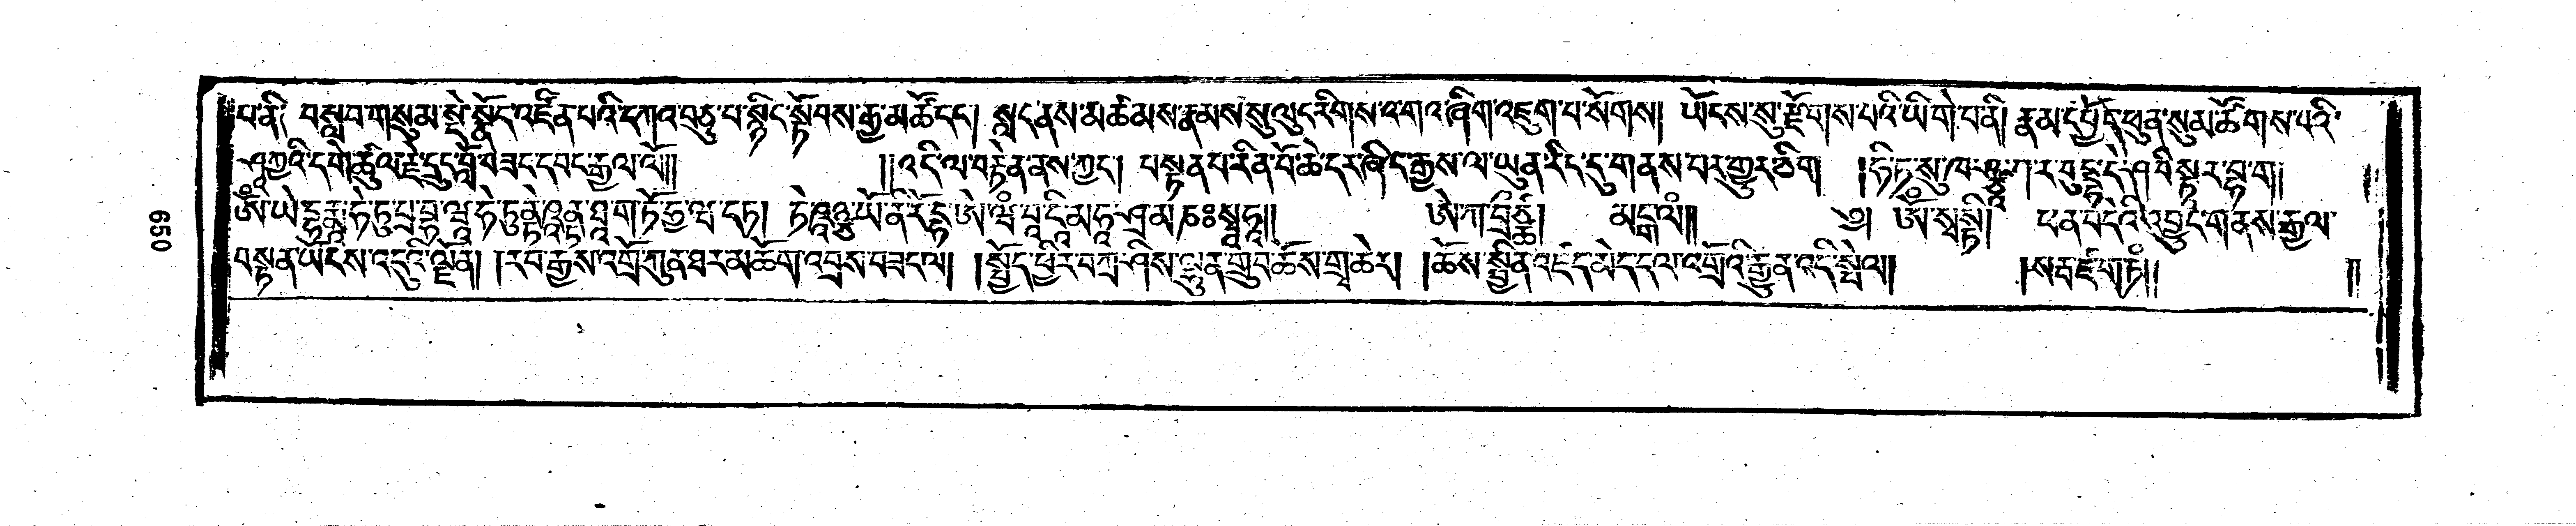པ་ནི༑ བསླབ་གསུམ་སྡེ་སྣོད་འཛིན་པའི་དཀའ་བཅུ་པ་སྙིང་སྟོབས་རྒྱ་མཚོ་དང་། སླད་ནས་མཚམས་རྣམས་སུ་ལུང་རིགས་འགའ་ཞིག་འཇུག་པ་སོགས། ཡོངས་སུ་རྫོགས་པའི་ཡི་གེ་པ་ནི། རྣམ་དཔྱོད་ཕུན་སུམ་ཚོགས་པའི་
ཤཱཀྱའི་དགེ་ཚུལ་རྗེ་དྲུང་བློ་བཟང་དབང་རྒྱལ་ལོ།། །།འདི་ལ་བརྟེན་ནས་ཀྱང་། བསྟན་པ་རིན་པོ་ཆེ་དར་ཞིང་རྒྱས་ལ་ཡུན་རིང་དུ་གནས་པར་གྱུར་ཅིག །ཧི་ཏ་སུ་ཁ་ཤྩཱ་ཀ་ར་བུདྡྷ་དེ་ཤ་བིསྟཱ་ར་བྷ་ག། །།
ཨོཾ་ཡེ་དྷརྨཱ་ཧེ་ཏུ་པྲ་བྷ་ཝཱ་ཧེ་ཏུནྟེ་ཥཱནྟ་ཐཱ་ག་ཏོ་ཧྱ་ཝ་དཏ། ཏེ་ཥཱ་ཉྩ་ཡོ་ནི་རོ་དྷ་ཨེ་ཝཾ་བཱ་དཱི་མཧཱ་ཤྲ་མ་ཎཿ སྭཱཧཱ།། ཨེ་ཀ་པྲྀཙྪ། མངྒ་ལཾ།། ༄༅། ཨོཾ་སྭསྟི། ཕན་བདེའི་འབྱུང་གནས་རྒྱལ་
བསྟན་ཡོངས་འདུའི་ལྗོན། །རབ་རྒྱས་འགྲོ་ཀུན་ཐར་མཆོག་འབྲས་བཟང་ལ། །སྤྱོད་ཕྱིར་བཀྲ་ཤིས་ལྷུན་གྲུབ་ཆོས་གྲྭ་ཆེར། །ཆོས་སྦྱིན་འཛད་མེད་དལ་འགྲོའི་རྒྱུན་འདི་སྤེལ། །སརྦ་ཛ་ག་ཏཾ།། །།